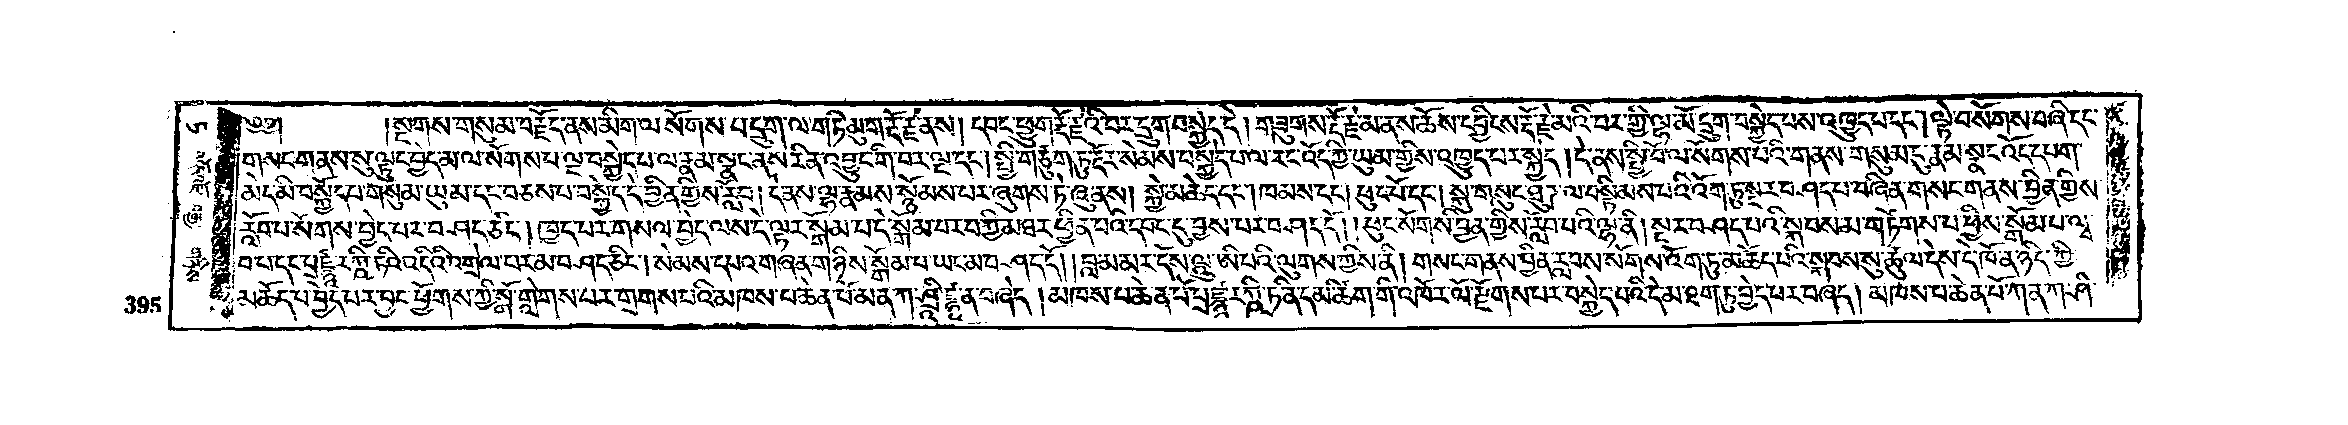༄༅། །སྔགས་གསུམ་བརྗོད་ནས་མིག་ལ་སོགས་པ་དྲུག་ལ་གཏི་མུག་རྡོ་རྗེ་ནས། དབང་ཕྱུག་རྡོ་རྗེའི་བར་དྲུག་བསྐྱེད་དེ། གཟུགས་རྡོ་རྗེ་མ་ནས་ཆོས་དབྱིངས་རྡོ་རྗེ་མའི་བར་གྱི་ལྷ་མོ་དྲུག་བསྐྱེད་པས་འཁྱུད་པ་དང་། ལྟེ་བ་སོགས་བཞི་དང་
གསང་གནས་སུ་ལྟུང་བྱེད་མ་ལ་སོགས་པ་ལྔ་བསྐྱེད་པ་ལ་རྣམ་སྣང་ནས་རིན་འབྱུང་གི་བར་ལྔ་དང་། སྤྱི་གཙུག་ཏུ་རྡོར་སེམས་བསྐྱེད་པ་ལ་རང་འོད་ཀྱི་ཡུམ་གྱིས་འཁྱུད་པར་སྐྱེད། དེ་ནས་སྤྱི་བོ་ལ་སོགས་པའི་གནས་གསུམ་དུ་རྣམ་སྣང་འོད་དཔག་
མེད་མི་བསྐྱེད་པ་གསུམ་ཡུམ་དང་བཅས་པ་བསྐྱེད་དེ་བྱིན་གྱིས་རློབ། དེ་ནས་ལྷ་རྣམས་སྙོམས་པར་ཞུགས་ཏེ་ཞུ་ནས། སྐྱེ་མཆེད་དང་། ཁམས་དང་། ཕུང་པོ་དང་། སྐུ་གསུང་ཐུགས་ལ་བསྟིམས་པའི་འོག་ཏུ་སྔར་བཤད་པ་བཞིན་གསང་གནས་བྱིན་གྱིས་
རློབ་པ་སོགས་བྱེད་པར་བཤད་ཅིང་། ཁྱད་པར་གསལ་བྱེད་ལས་དེ་ལྟར་སྒོམ་པ་དེ་སྒོམ་པ་རབ་ཀྱི་མཐར་ཕྱིན་པའི་དབང་དུ་བྱས་པར་བཤད་དོ། །ཕུང་སོགས་བྱིན་གྱིས་རློབ་པའི་ལྷ་ནི། སྔར་བཤད་པའི་སྐབས་མ་གཏོགས་པ་ཕྱིས་སྒོམ་པ་ལྭ་
བ་པ་དང་པྲཛྙཱ་རཀྵི་ཏའི་འདིའི་འགྲེལ་པར་མ་བཤད་ཅིང་། སེམས་དཔའ་གཞན་གཉིས་སྒོམ་པ་ཡང་མ་བཤད་དོ། །བླ་མ་མར་དོས་ལཱུ་ཨི་པའི་ལུགས་ཀྱིས་ནི། གསང་གནས་བྱིན་རླབས་སོགས་འོག་ཏུ་མཆོད་པའི་སྐབས་སུ་ཚུལ་དེས་དེ་ཁོ་ན་ཉིད་ཀྱི་
མཆོད་པ་བྱེད་པར་བྱང་ཕྱོགས་ཀྱི་སྒོ་གླེགས་པར་གྲགས་པའི་མཁས་པ་ཆེན་པོ་མ་ན་ཀ་ཤྲཱི་ཛྙཱ་ན་བཞེད། མཁས་པ་ཆེན་པོ་པྲཛྙཱ་རཀྵི་ཏ་ནི་དམ་ཚིག་གི་འཁོར་ལོ་རྫོགས་པར་བསྐྱེད་པའི་དེ་མ་ཐག་ཏུ་བྱེད་པར་བཞེད། མཁས་པ་ཆེན་པོ་ཀ་ན་ཀ་ཤྲཱི་